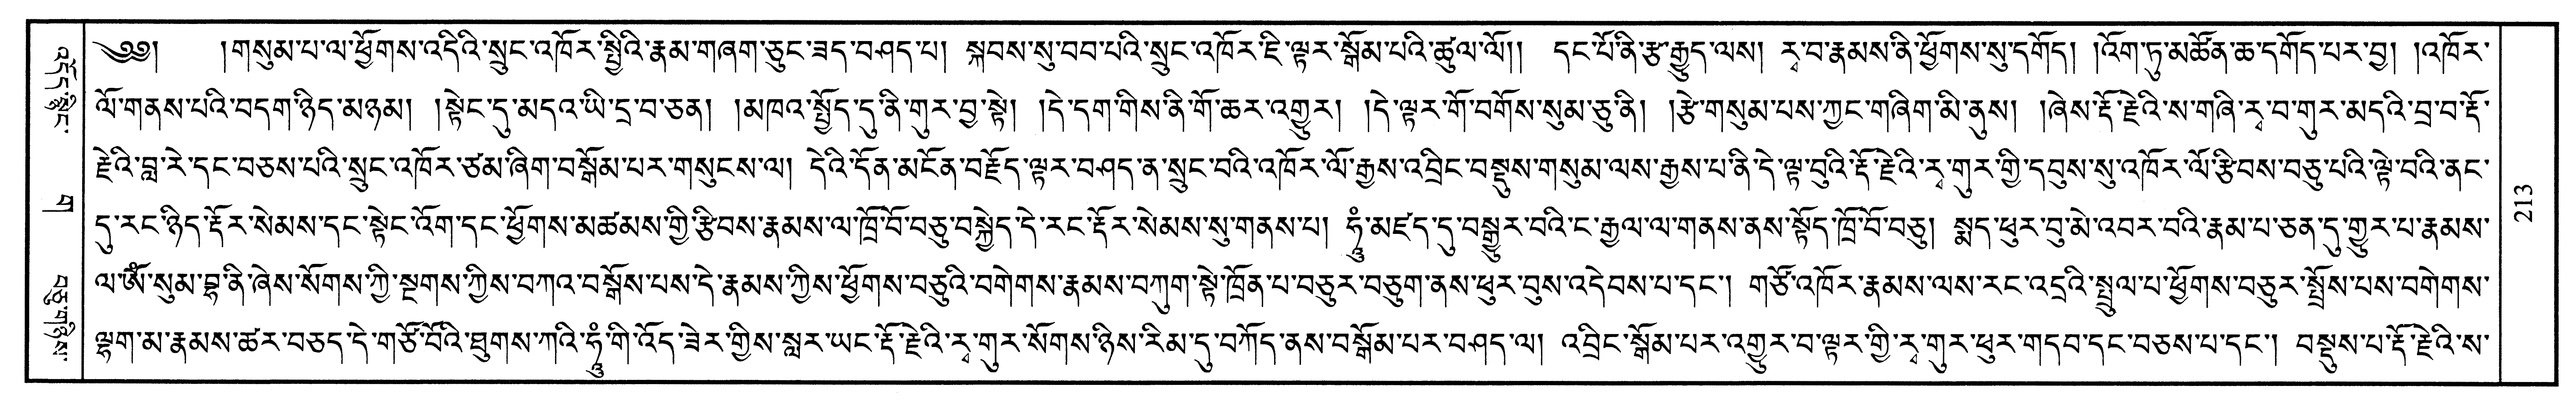༄༅། །གསུམ་པ་ལ་ཕྱོགས་འདིའི་སྲུང་འཁོར་སྤྱིའི་རྣམ་གཞག་ཅུང་ཟད་བཤད་པ། སྐབས་སུ་བབ་པའི་སྲུང་འཁོར་ཇི་ལྟར་སྒོམ་པའི་ཚུལ་ལོ།། དང་པོ་ནི་རྩ་རྒྱུད་ལས། རྭ་བ་རྣམས་ནི་ཕྱོགས་སུ་དགོད། །འོག་ཏུ་མཚོན་ཆ་དགོད་པར་བྱ། །འཁོར་
ལོ་གནས་པའི་བདག་ཉིད་མཉམ། །སྟེང་དུ་མདའ་ཡི་དྲ་བ་ཅན། །མཁའ་སྤྱོད་དུ་ནི་གུར་བྱ་སྟེ། །དེ་དག་གིས་ནི་གོ་ཆར་འགྱུར། །དེ་ལྟར་གོ་བགོས་སུམ་ཅུ་ནི། །རྩེ་གསུམ་པས་ཀྱང་གཞིག་མི་ནུས། །ཞེས་རྡོ་རྗེའི་ས་གཞི་རྭ་བ་གུར་མདའི་བྲ་བ་རྡོ་
རྗེའི་བླ་རེ་དང་བཅས་པའི་སྲུང་འཁོར་ཙམ་ཞིག་བསྒོམ་པར་གསུངས་ལ། དེའི་དོན་མངོན་བརྗོད་ལྟར་བཤད་ན་སྲུང་བའི་འཁོར་ལོ་རྒྱས་འབྲིང་བསྡུས་གསུམ་ལས་རྒྱས་པ་ནི་དེ་ལྟ་བུའི་རྡོ་རྗེའི་རྭ་གུར་གྱི་དབུས་སུ་འཁོར་ལོ་རྩིབས་བཅུ་པའི་ལྟེ་བའི་ནང་
དུ་རང་ཉིད་རྡོར་སེམས་དང་སྟེང་འོག་དང་ཕྱོགས་མཚམས་གྱི་རྩིབས་རྣམས་ལ་ཁྲོ་བོ་བཅུ་བསྐྱེད་དེ་རང་རྡོར་སེམས་སུ་གནས་པ། ཧཱུཾ་མཛད་དུ་བསྒྱུར་བའི་ང་རྒྱལ་ལ་གནས་ནས་སྟོད་ཁྲོ་བོ་བཅུ། སྨད་ཕུར་བུ་མེ་འབར་བའི་རྣམ་པ་ཅན་དུ་གྱུར་པ་རྣམས་
ལ་ཨོཾ་སུམ་བྷ་ནི་ཞེས་སོགས་ཀྱི་སྔགས་ཀྱིས་བཀའ་བསྒོས་པས་དེ་རྣམས་ཀྱིས་ཕྱོགས་བཅུའི་བགེགས་རྣམས་བཀུག་སྟེ་ཁྲོན་པ་བཅུར་བཅུག་ནས་ཕུར་བུས་འདེབས་པ་དང་། གཙོ་འཁོར་རྣམས་ལས་རང་འདྲའི་སྤྲུལ་པ་ཕྱོགས་བཅུར་སྤྲོས་པས་བགེགས་
ལྷག་མ་རྣམས་ཚར་བཅད་དེ་གཙོ་བོའི་ཐུགས་ཀའི་ཧཱུཾ་གི་འོད་ཟེར་གྱིས་སླར་ཡང་རྡོ་རྗེའི་རྭ་གུར་སོགས་ཉིས་རིམ་དུ་བཀོད་ནས་བསྒོམ་པར་བཤད་ལ། འབྲིང་སྒོམ་པར་འགྱུར་བ་ལྟར་གྱི་རྭ་གུར་ཕུར་གདབ་དང་བཅས་པ་དང་། བསྡུས་པ་རྡོ་རྗེའི་ས་